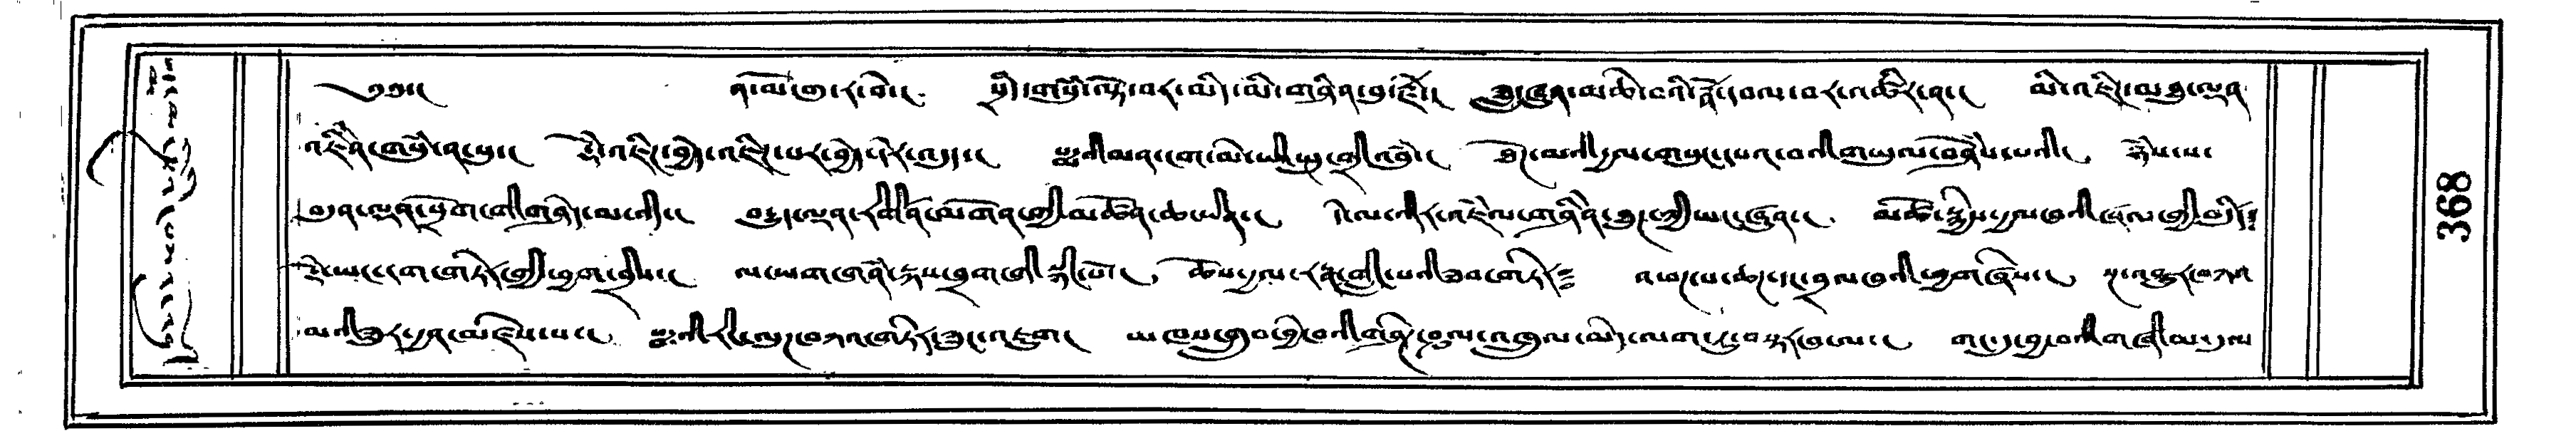ན་མོ་གུར་བེ། སྲིད་གསུམ་ལྟོ་བར་མིད་མི་གཤིན་བུ་རྗཻ། །ཟླ་ཞུན་མཆེ་བའི་རྣོ་དབལ་བར་འཚིར་ན། །མི་འཇིགས་མཐུ་ལྡན་
འཇིག་རྟེན་གསུམ་ན་སུ། །རྡོ་རྗེ་འཇིགས་བྱེད་འཇིགས་པར་བྱེད་དེར་འདུད། །པདྨའི་མན་ངག་མེ་ཡི་སྤུ་གྲི་འབུམ། །ཐོག་མའི་རྒྱལ་གསུང་དཔའ་བོའི་གཡུལ་བཤོམས་པའི། །ཉམས་པ་
བདུན་ལྡན་སྲོག་གི་གཤེད་མ་འདི། །བརྒྱུད་ལྡན་རིག་འཛིན་མགོན་གྱི་མཚོན་ཆ་ཡིན། དེ་ལ་འདིར་འཇམ་དཔལ་གཤིན་རྗེ་ཐུགས་ཀྱི་ཡང་ཞུན། མཚོ་སྐྱེས་རྒྱལ་བའི་ཞལ་གྱི་བདུད་རྩི། 
རྡོ་རྗེ་ཡང་དབང་གཏེར་གྱི་ཕྱག་བྲིས། ལ་ཡག་གནམ་སྐས་བྲག་གི་སྙིང་པོ། ཆོས་རྒྱལ་རཏྣ་གླིང་པའི་ཟབ་གཏེར། འཕགས་པ་ཆགས་དང་བྲལ་བའི་ཕྱག་གཞེས། སྔ་འགྱུར་བཀའ་
མའི་ཟུར་རྒྱན་མཛེས་པ། པདྨའི་རིང་ལུགས་བཀའ་གཏེར་ཟུང་འཇུག མཁས་གྲུབ་བྱེ་བའི་གཤེགས་ཤུལ་འཁྲུལ་མེད་ལག་ཏུ་བསྟར་བ་ལ། གང་དུ་བྱ་བའི་གཞི་མ་དུལ་